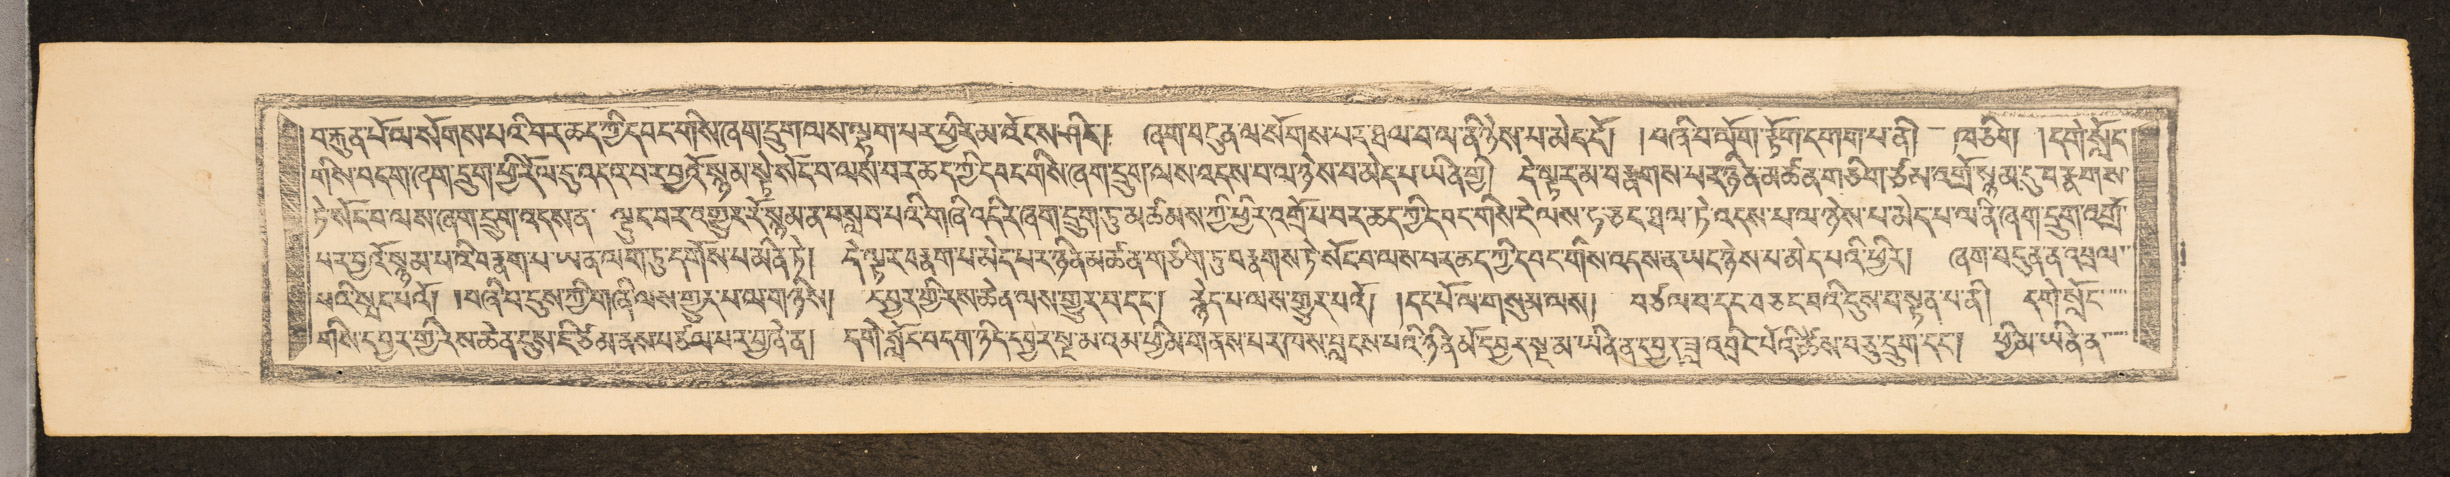བ་རྐུན་པོ་ལ་སོགས་པའི་བར་ཆད་ཀྱི་དབང་གིས་ཞག་དྲུག་ལས་ལྷག་པར་ཕྱིར་མ་འོངས་ཤིང་། ཞག་བདུན་ལ་སོགས་པར་ཐལ་བ་ལ་ནི་ཉེས་པ་མེད་དོ། །བཞི་པ་ལོག་རྟོག་དགག་པ་ནི། ཁ་ཅིག །དགེ་སློང་
གིས་བདག་ཞག་དྲུག་ཕྱི་རོལ་དུ་འདའ་བར་བྱའོ་སྙམ་སྟེ་སོང་པ་ལས་བར་ཆད་ཀྱི་དབང་གིས་ཞག་དྲུག་ལས་འདས་པ་ལ་ཉེས་པ་མེད་པ་ཡིན་གྱི། དེ་ལྟར་མ་བྲངས་པར་ཉིན་མཚན་གཅིག་ཙམ་འགྲོ་སྙམ་དུ་བྲངས་
ཏེ་སོང་བ་ལས་ཞག་དྲུག་འདས་ན་ལྟུང་བར་འགྱུར་རོ་སྙམ་ན་བསླབ་པའི་གཞི་འདིར་ཞག་དྲུག་ཏུ་མཚམས་ཀྱི་ཕྱིར་འགྲོ་བ་བར་ཆད་ཀྱི་དབང་གིས་དེ་ལས་ཧ་ཅང་ཐལ་ཏེ་འདས་པ་ལ་ཉེས་པ་མེད་པ་ལ་ནི་ཞག་དྲུག་འགྲོ་
པར་བྱའོ་སྙམ་པའི་བྲང་པ་ཡན་ལག་ཏུ་དགོས་པ་མིན་ཏེ། དེ་ལྟར་བྲང་པ་མེད་པར་ཉིན་མཚན་གཅིག་ཏུ་བརྣགས་ཏེ་སོང་བ་ལས་བར་ཆད་ཀྱི་དབང་གིས་འདས་ན་ཡང་ཉེས་པ་མེད་པའི་ཕྱིར། ཞག་བདུན་ན་འབྲལ་
བའི་སྤང་བའོ། །བཞི་པ་དུས་ཀྱི་གཞི་ལས་གྱུར་པ་ལ་གཉིས། དབྱར་གྱི་རས་ཆེན་ལས་གྱུར་པ་དང་། རྙེད་པ་ལས་གྱུར་བའོ། །དང་པོ་ལ་གསུམ་ལས། བཙལ་བ་དང་བཅང་བའི་དུས་བསྟན་པ་ནི། དགེ་སློང་
གིས་དབྱར་གྱི་རས་ཆེན་དུས་ཇི་ཙམ་ནས་བཙལ་བར་བྱ་ཞེ་ན། དགེ་སློང་བདག་ཉིད་དབྱར་སྔ་མ་འམ་ཕྱི་མ་གནས་པར་ཁས་བླངས་པའི་ཉིན་མོ་དབྱར་སྔ་མ་ཡིན་ན་དབྱར་ཟླ་འབྲིང་པོའི་ཚེས་བཅུ་དྲུག་དང་། ཕྱི་མ་ཡིན་ན་